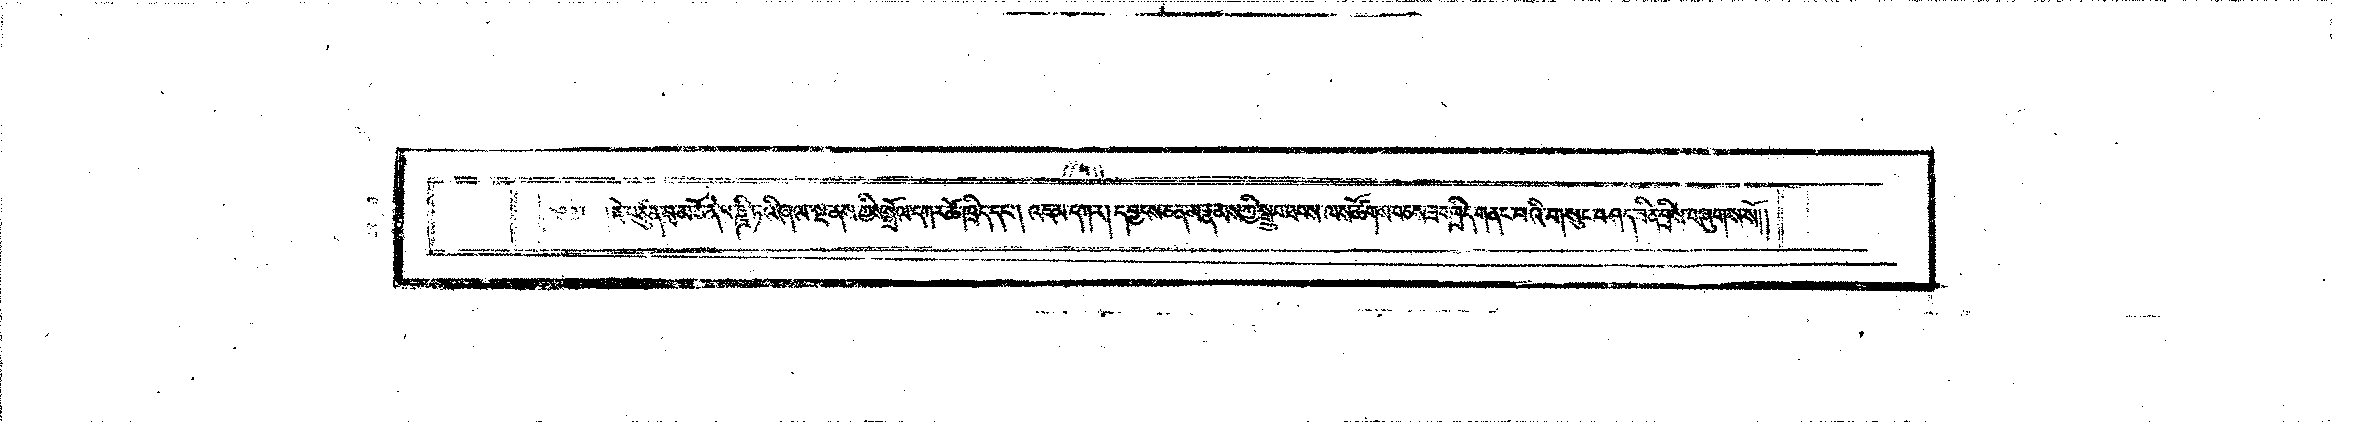༄༅། །རྗེ་བཙུན་བླ་མ་ཅོ་ནེ་པཎྜི་ཏའི་ཞལ་སྔ་ནས་ཀྱིས་སྒྲོལ་དཀར་ཚེ་ཁྲིད་དང་། འཇམ་དཀར། དབྱངས་ཅན་མ་རྣམས་ཀྱི་སྒྲུབ་ཐབས་ལས་ཚོགས་བཅས་ཟབ་ཁྲིད་གནང་བའི་གསུང་བཤད་ཟིན་བྲིས་བཞུགས་སོ།།